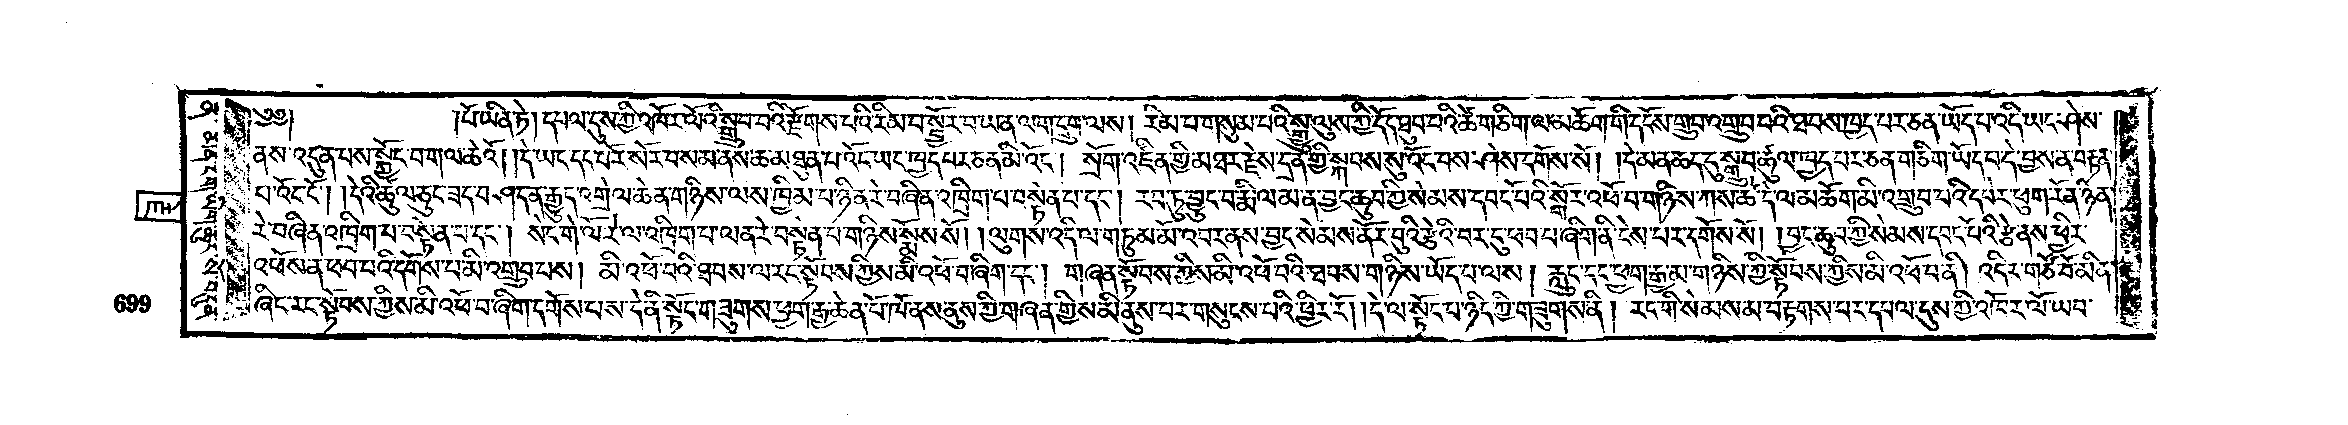༄༅། །པོ་ཡིན་ཏེ། དཔལ་དུས་ཀྱི་འཁོར་ལོའི་སྒྲུབ་པའི་རྫོགས་པའི་རིམ་པ་སྦྱོར་བ་ཡན་ལག་དྲུག་ལས། རིམ་པ་གསུམ་པའི་སྒྱུ་ལུས་ཀྱི་དོད་ཐུབ་པའི་ཚེ་གཅིག་ལ་མཆོག་གི་དངོས་གྲུབ་འགྲུབ་པའི་ཐབས་ཁྱད་པར་ཅན་ཡོད་པ་འདི་ཡང་ཤེས་
ནས་འདུན་པས་སྐྱོང་བ་གལ་ཆེའོ། །དེ་ཡང་དང་པོར་སོར་བསམ་ནས་ཆ་མཐུན་པ་འོང་ཡང་ཁྱད་པར་ཅན་མི་འོང་། སྲོག་འཛིན་གྱི་མཐར་རྗེས་དྲན་གྱི་སྐབས་སུ་འོང་བས་ཤེས་དགོས་སོ། །དེ་མན་ཆད་དུ་སྒྲུབ་ཚུལ་ཁྱད་པར་ཅན་གཅིག་ཡོད་པ་དེ་བྱས་ན་བརྟན་
པ་འོང་ངོ། །དེའི་ཚུལ་ཅུང་ཟད་བཤད་ན་རྒྱུད་འགྲེལ་ཆེན་གཉིས་ལས་ཁྱིམ་པ་ཉིན་རེ་བཞིན་འཁྲིག་པ་བསྟེན་པ་དང་། རབ་ཏུ་བྱུང་བ་རྨི་ལམ་ན་བྱང་ཆུབ་ཀྱི་སེམས་དབང་པོའི་སྒོར་འཕོ་བ་གཉིས་ཀས་ཚེ་དེ་ལ་མཆོག་མི་འགྲུབ་པའི་དཔེར་ཕུག་རོན་ཉིན་
རེ་བཞིན་འཁྲིག་པ་བསྟེན་པ་དང་། སེང་གེ་ལོ་རེ་ལ་འཁྲིག་པ་ལན་རེ་བསྟེན་པ་གཉིས་སྨོས་སོ། །ལུགས་འདི་ལ་གཏུམ་མོ་འབར་ནས་བྱང་སེམས་ནོར་བུའི་རྩའི་བར་དུ་ཕབ་པ་ཞིག་ནི་ངེས་པར་དགོས་སོ། །བྱང་ཆུབ་ཀྱི་སེམས་དབང་པོའི་རྩེ་ནས་ཕྱིར་
འཕོས་ན་ཕབ་པའི་དགོས་པ་མི་འགྲུབ་པས། མི་འཕོ་བའི་ཐབས་ལ་རང་སྟོབས་ཀྱིས་མི་འཕོ་བ་ཞིག་དང་། གཞན་སྟོབས་ཀྱིས་མི་འཕོ་བའི་ཐབས་གཉིས་ཡོད་པ་ལས། རླུང་དང་ཕྱག་རྒྱ་མ་གཉིས་ཀྱི་སྟོབས་ཀྱིས་མི་འཕོ་བ་ནི། འདིར་གཙོ་བོ་མིན་
ཞིང་རང་སྟོབས་ཀྱིས་མི་འཕོ་བ་ཞིག་དགོས་པས་དེ་ནི་སྟོང་གཟུགས་ཕྱག་རྒྱ་ཆེན་པོ་ཁོ་ནས་ནུས་ཀྱི་གཞན་གྱིས་མི་ནུས་པར་གསུངས་པའི་ཕྱིར་རོ། །དེ་ལ་སྟོང་པ་ཉིད་ཀྱི་གཟུགས་ནི། རང་གི་སེམས་མ་བརྟགས་པར་དཔལ་དུས་ཀྱི་འཁོར་ལོ་ཡབ་